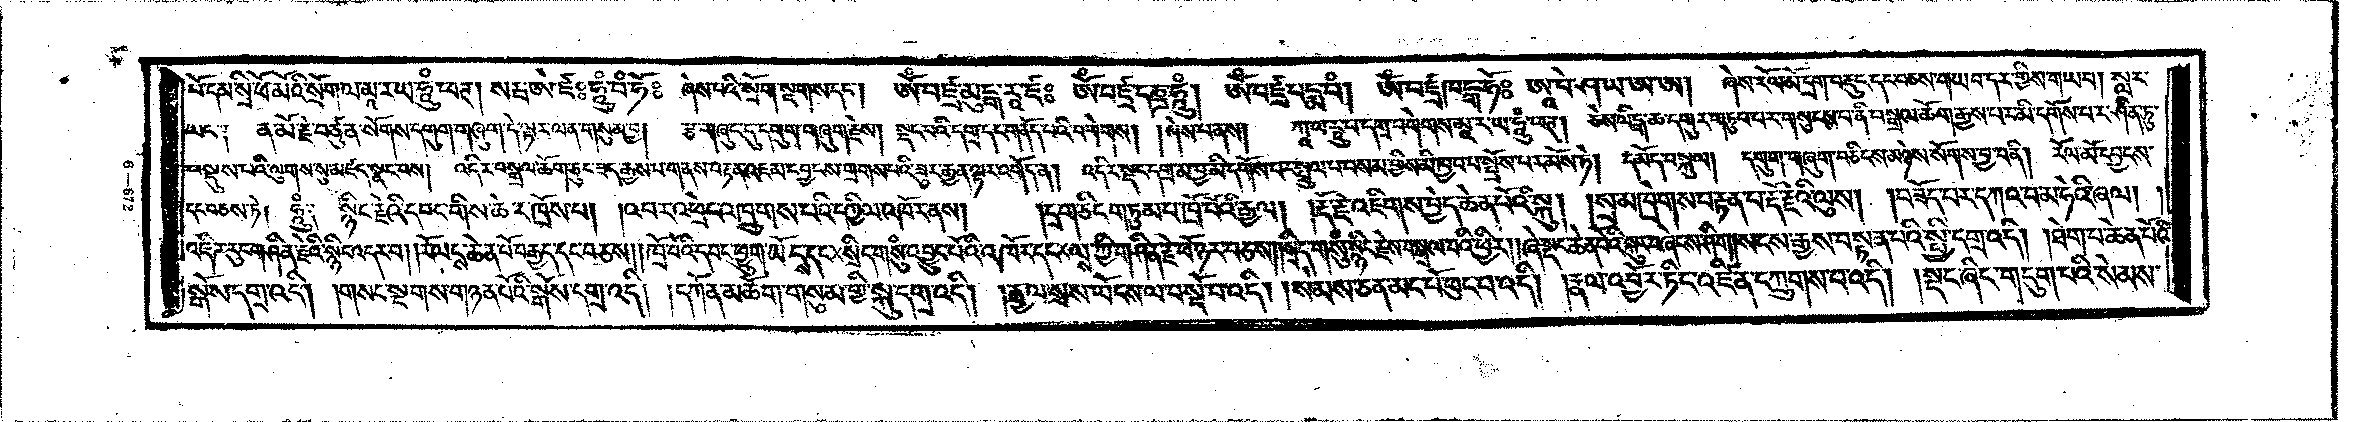པོ་དམ་སྲི་ཕོ་མོའི་སྲོག་ལ་མཱ་ར་ཡ་ཧཱུཾ་ཕཊ། སརྦ་ཨེ་ཛཿ ཧཱུཾ་བཾ་ཧོཿ ཞེས་པའི་སྲོག་སྔགས་དང་། ཨོཾ་བཛྲ་མུངྒ་རཱ་ཛཿ ཨོཾ་བཛྲ་དཎྜ་ཧཱུཾ། ཨོཾ་བཛྲ་པདམ་པཾ། ཨཱ་བེ་ཤ་ཡ་ཨ་ཨ། ཞེས་རོལ་མོ་དྲག་བརྡུང་དང་བཅས་གཡབ་དར་གྱིས་གཡབ། སླར་
ཡང༑ ན་མོ་རྗེ་བཙུན་སོགས་དགུག་གཞུག་དེ་ལྟར་ལན་གསུམ་བྱ། རྩ་གཞུང་དུ་དགུག་གཞུག་རྗེས། སྡང་བའི་དགྲ་དང་གནོད་པའི་བགེགས། །ཞེས་པ་ནས། ཀཱ་ལ་རཱུ་པ་དགྲ་བགེགས་མཱ་ར་ཡ་ཧཱུཾ་ཕཊ། ཅེས་ལིངྒ་ཆ་དགུར་གཏུབ་པར་སུངས་པ་ནི་བསྒྲལ་ཆོག་རྒྱས་པར་མི་དགོས་པར་ཤིན་ཏུ་
བསྡུས་པའི་ལུགས་སུ་མཛད་སྣང་བས། འདིར་བསྒྲལ་ཆོག་ཅུང་ཟད་རྒྱས་པ་གནས་བརྟན་འཇམ་དབྱངས་གྲགས་པའི་ཟུར་རྒྱན་ལྟར་འགོད་ན། འདིར་སྡང་དགྲ་མ་བྱ་མི་དགོས་པར་སྤྲུལ་པ་བསམ་གྱིས་མི་ཁྱབ་པ་སྤྲོས་པར་མོས་ཏེ། དམོད་བསྐུལ། དགུག་གཞུག་བཅིངས་མཉེས་སོགས་བྱ་བ་ནི། རོལ་མོ་དབྱངས་
དང་བཅས་ཏེ། ཧཱུཾ༑ སྙིང་རྗེའི་དབང་གིས་ཆེར་ཁྲོས་པ། །འབར་འཕྲེང་འཁྲུགས་པའི་དཀྱིལ་འཁོར་ནས། །དྲག་ཅིང་གཏུམ་པ་ཁྲོ་བོའི་རྒྱལ། །རྡོ་རྗེ་འཇིགས་བྱེད་ཆེན་པོའི་སྐུ། །སྲ་ཁྲེགས་བརྟན་པ་རྡོ་རྗེ་ལུས། །བཟོད་པར་དཀའ་བ་མ་ཧེའི་ཞལ། ། འཇིཌ་རུང་གཤིན་རྗེའི་སྙིང་འདར་བ། །རོལ་ངས་ཆེན་པོ་བརྒྱད་དང་བཅས།
།ཁྲོ་བོའི་དབང་ཕྱུག་ཡོངས་དང྾་སྲིད་གསུཾ་འབྱུང་པོའི་འཁོར་དང྾་ལས་ཀྱི་གཤིན་རྗེ་ཕོ་ཉར་བཅས། །སྲིད་གསུཾ་སྙིང་རྗེས་བསྒྲལ་བའི་ཕྱིར། །ཞེ་སྡང་ཆེན་པོའི་སྐུར་བཞེངས་ཤིག། སངས་རྒྱས་བསྟན་པའི་སྤྱི་དགྲ་འདི། །ཐེག་པ་ཆེན་པོའི་
སྒོས་དགྲ་འདི། །གསང་སྔགས་གཉན་པོའི་སྒོས་དགྲ་འདི། །དཀོན་མཆོག་གསུམ་གྱི་སྐུ་དགྲ་འདི། །རྒྱལ་སྲས་ཡོངས་ལ་བསྔོ་བ་འདི། །སེམས་ཅན་མང་པོ་ཕུང་བ་འདི། །རྣལ་འབྱོར་ཏིང་འཛིན་དཀྲུགས་པ་འདི། །སྡང་ཞིང་གདུག་པའི་སེམས་